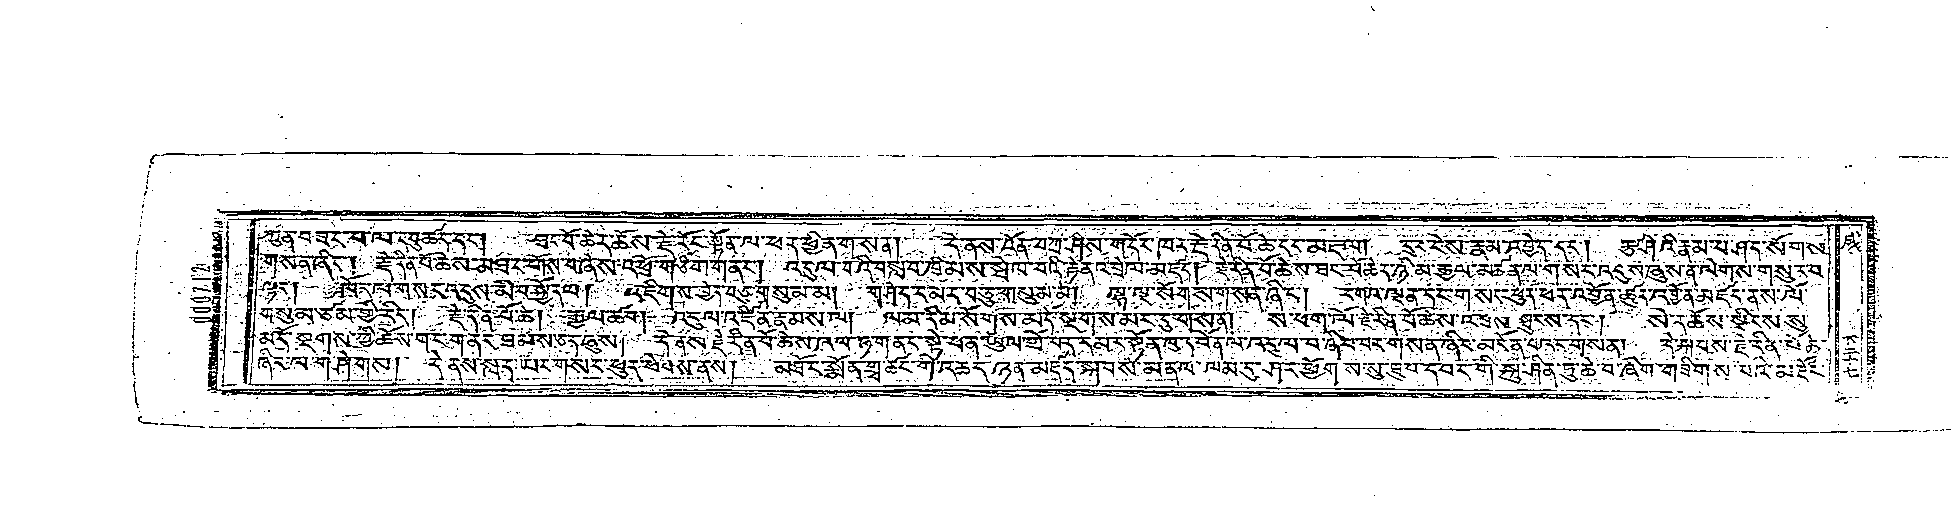ཀུན་བཟང་པ་ལ་དབུ་ཚད་དང་། ཐང་པོ་ཆེར་ཆོས་རྗེ་རོང་སྟོན་ལ་ཕར་ཕྱིན་གསན། དེ་ནས་འོན་བཀྲ་ཤིས་གདོང་ཁར་རྗེ་རིན་པོ་ཆེ་དང་མཇལ། དྲང་ངེས་རྣམ་འབྱེད་དང་། རྩ་ཤིའི་རྣམ་བཤད་སོགས་
གསན་ཞིང་། རྗེ་རིན་པོ་ཆེས་མཐང་གོས་བཞེས་འཕྲོ་གཅིག་གནང་། འདུལ་བའི་བསླབ་ཁྲིམས་སྤེལ་བའི་རྟེན་འབྲེལ་མཛད། རྗེ་རིན་པོ་ཆེས་ཐང་པོ་ཆེར་ཉི་མ་རྒྱལ་མཚན་ལ་གསང་འདུས་ཞུས་ན་ལེགས་གསུང་བ་
ལྟར། ཁོད་ལ་གསང་འདུས་མི་བསྐྱོར་ལ། འཇིགས་བྱེད་བཅུ་གསུམ་མ། གཤེད་དམར་བཅུ་གསུམ་མ། ལྷ་ལྔ་སོགས་གསན་ཞིང་། དགའ་ལྡན་དང་གསང་ཕུར་ཕར་འབྱོན་ཚུར་འབྱོ་ན་མཛད་ནས་ལོ་
གསུམ་ཙམ་གྱི་རིང་། རྗེ་རིན་པོ་ཆེ། རྒྱལ་ཚབ། འདུལ་འཛིན་རྣམས་ལ། ལམ་རིམ་སོགས་མདོ་སྔགས་མང་དུ་གསན། ས་ཕག་ལོ་རྗེ་རིན་པོ་ཆེས་འབྲས་སྤུངས་དང་། སེ་ར་ཆོས་སྡིངས་སུ་
མདོ་སྔགས་ཀྱི་ཆོས་གང་གནང་ཐམས་ཅད་ཞུས། དེ་ནས་རྗེ་རིན་པོ་ཆེས་ཞལ་ཏ་གནང་སྟེ་ཕན་ཡུལ་གྲོ་པར་དམར་སྟོན་ཁུ་དཔོན་ལ་འདུལ་བ་ཞིབ་པར་གསན་ཞིང་མངོན་པའང་གསན། དེ་སྐབས་རྗེ་རིན་པོ་ཆེ་
ཞིང་ལ་གཤེགས། དེ་ནས་སླར་ཡང་གསང་ཕུར་ཕེབས་ནས། མཐོང་སྨོན་གྲྭ་ཚང་གི་འཆང་ཉན་མཛད་སྐབས་མནལ་ལམ་དུ་ཤར་ཕྱོགས་སུ་ཐུབ་དབང་གི་སྐུ་ཤིན་ཏུ་ཆེ་བ་ཞིག་གཟིགས་པའི་མཛོད་